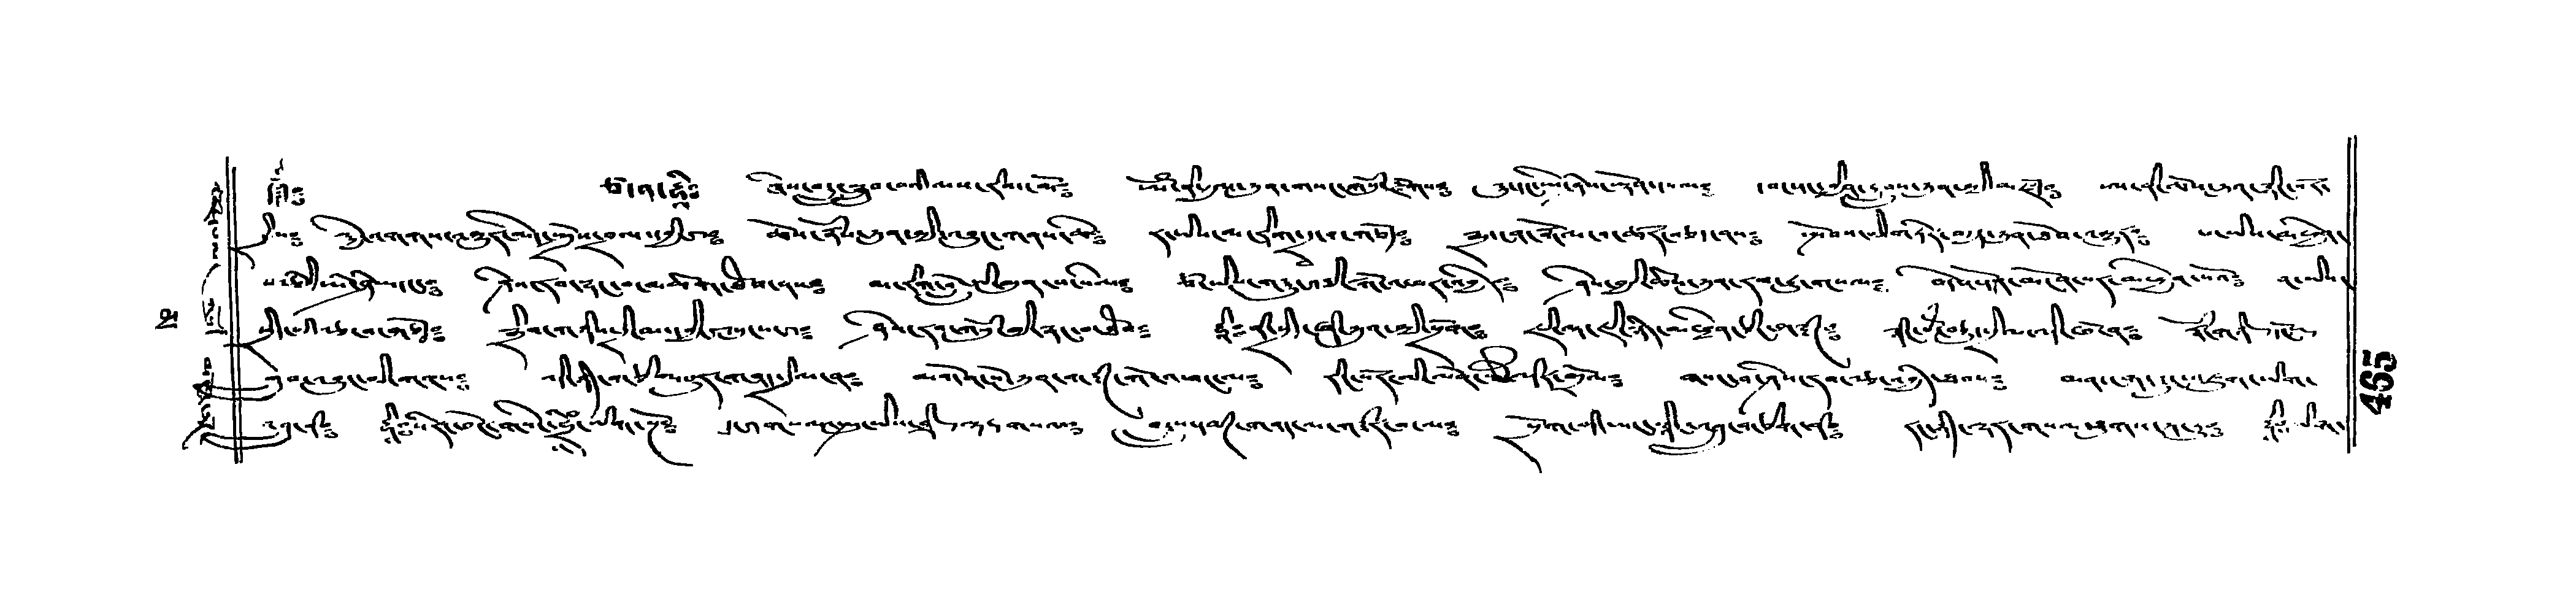ཙ་ན་དྷཱིཿ ཞེས་བཟླ་སྒྲུབ་བའི་ལས་རིམ་མོ༔ ཨོཾ་ནི་རྒྱལ་ཀུན་གསང་གསུམ་རྫོགས༔ སྐུ་དང་ཡེ་ཤེས་ཡོན་ཏན་དཔལ༔ དབང་དང་བྱིན་རླབས་ཀུན་གྱི་མཛོད༔ ཨ་ནི་ཆོས་ཀུན་སྙིང་པོར་
དྲིལ༔ སྐྱེ་འགགས་འགྱུར་མེད་སྤྲོས་བྲལ་དབྱིངས༔ ཆོས་རྣམས་ཀུན་གྱི་འབྱུང་གནས་ཆེ༔ ར་ཡིས་མ་རིག་དྲྭ་བ་གཅོད༔ སྨྲ་ངན་སྒོལ་བ་ཚར་བཅད་ནས༔ སྤོབས་པའི་གཏེར་བརྒྱད་ཀུན་ཐོབ་འགྱུར༔ པ་ཡིས་མཁྱེན་
བརྩེའི་ཡེ་ཤེས་དང༔ ཤེས་རབ་སྣང་བ་མཆོག་ཐོབ་ནས༔ མ་རིག་བློ་ཡི་མུན་པ་སེལ༔ ཙ་ཡིས་གཟུངས་ཀྱི་སྒོ་འཕར་འབྱེད༔ ཤེས་བྱའི་ཆོས་ཀུན་རབ་ཏུ་གསལ༔ བདེན་དོན་མངོན་པར་མཁྱེན་པའོ༔ ན་ཡིས་
སྲིད་པའི་རྩ་བ་གཅོད༔ སྒྲིབ་གཉིས་དྲི་མ་དབྱིངས་སུ་སངས༔ ཤེས་རབ་གསུམ་གྱི་སྣང་བ་ཐོབ༔ དྷཱིཿནི་སྲིད་ཞི་ཀུན་གྱི་སྲོག༔ ཇི་ལྟ་ཇི་སྙེད་མཁྱེན་ཅིང་གཟིགས༔ སྙིང་པོ་བཅུད་དྲིལ་འདི་ཁོ་ན༔རྣམ་གཉིས་དངོས་
གྲུབ་འབྱུང་བའི་གནས༔ འདི་ཉིད་གཅིག་པུར་གནད་དྲིལ་ན༔ མགོན་པོ་ཀུན་གཟིགས་གོ་འཕང་ལ༔ རིང་པོར་མི་ལོན་ཚེ་འདིར་གྲོལ༔ གསང་བ་ཤེས་རབ་རྩ་འབྱེད་ཐབས༔ མན་ངན་ཟུང་འཇུག་ཡིག་
འབྲུ་ནི༔ དྷཱིཿསེར་ཁོང་གསེང་ཧྲཱིཾ་ཡིག་སྔོ༔ དྭངས་གསལ་སྤུ་ཡིས་བྲིས་ལྟར་གསལ༔ བཟླས་དམིགས་གནད་ལ་གཟིར་བ་ལ༔ སྲོག་གི་ཡང་སྙིང་འབྲུ་གཅིག་ནི༔ རང་ཉིད་ལྷར་གསལ་ཐུགས་ཀ་རུ༔ དྷཱིཿཡིག་